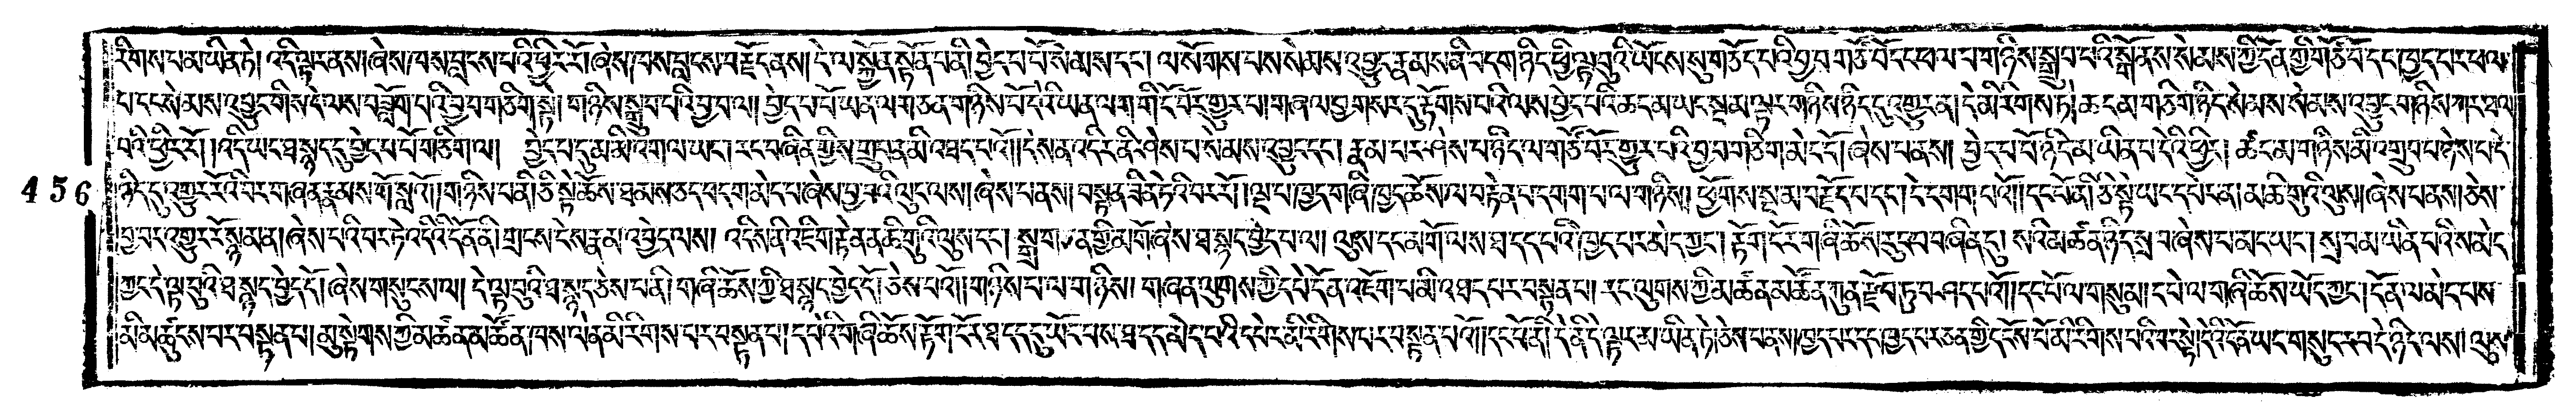རིགས་པ་མ་ཡིན་ཏེ། འདི་ལྟར་ནས་ཞེས་ཁས་བླངས་པའི་ཕྱིར་རོ། ཞེས་ཁས་བླངས་བརྗོད་ནས། དེ་ལ་སྐྱོན་སྟོན་པ་ནི། བྱེད་པ་པོ་སེམས་དང་། ལ་སོགས་པས་སེམས་འབྱུང་རྣམས་ནི་བདག་ཉིད་ཕྱི་ལྟ་བུའི་ཡོངས་སུ་གཅོད་པའི་བྱ་བ་གཙོ་བོ་དང་ཕལ་པ་གཉིས་སྒྲུབ་པའི་སྒོ་ནས་སེམས་ཀྱི་དོན་གྱི་གཙོ་བོ་དང་ཁྱད་པར་ཕལ་
པ་དང་སེམས་འབྱུང་གིས་དེ་ལས་བཟློག་པའི་བྱ་བ་གཅིག་སྟེ། གཉིས་སྒྲུབ་པའི་བྱ་བ་ལ། བྱེད་པ་པོ་ཡན་ལག་ཅན་གཉིས་པོ་དེའི་ཡན་ལག་གི་ངོ་བོར་གྱུར་པ། གཞལ་བྱ་གསར་དུ་རྟོགས་པའི་ལས་བྱེད་པའི་ཆད་མ་ཡང་སྔ་མ་ལྟར་གཉིས་ཉིད་དུ་འགྱུར་ན། དེ་མི་རིགས་ཏེ། ཚད་མ་གཅིག་ཉིད་སེམས་སེམས་འབྱུང་གཉིས་ཀར་ཐལ་
པའི་ཕྱིར་རོ། །འདི་ཡང་ཐ་སྙད་དུ་བྱེད་པ་པོ་གཅིག་ལ། བྱེད་པ་དུ་མ་མི་འགལ་ཡང་། རང་བཞིན་གྱིས་གྲུབ་ན་མི་འཐད་པའོ། །དེས་ན་འདིར་ནི་ཤེས་པ་སེམས་འབྱུང་དང་། རྣམ་པར་ཤེས་པ་ཉིད་ལ་གཙོ་བོར་གྱུར་པའི་བྱ་བ་གཅིག་མེད་དོ། ཞེས་པ་ནས། བྱེད་པ་པོ་ཉིད་མ་ཡིན་པ་དེའི་ཕྱིར། ཚད་མ་གཉིས་མི་འགྲུབ་པ་ཉེས་པ་དེ་
ཉིད་དུ་འགྱུར་རོའི་བར་གཞན་རྣམས་གོ་སླའོ། གཉིས་པ་ནི། ཅི་སྟེ་ཆོས་ཐམས་ཅད་བདག་མེད་པ་ཞེས་བྱ་བའི་ལུང་ལས། ཞེས་པ་ནས། བསྟན་ཟིན་ཏེའི་བར་རོ། །ལྔ་པ་ཁྱད་གཞི་ཁྱད་ཆོས་ལ་བརྟེན་པ་དགག་པ་ལ་གཉིས། ཕྱོགས་སྔ་མ་བརྗོད་པ་དང་། དེ་དགག་པའོ། །དང་པོ་ནི། ཅི་སྟེ་ཡང་དཔེར་ན། མཆི་གུའི་ལུས། ཞེས་པ་ནས། ཅེས་
བྱ་བར་འགྱུར་རོ་སྙམ་ན། ཞེས་པའི་བར་ཏེ་འདིའི་དོན་ནི། གྲངས་ངེས་རྣམ་འབྱེད་ལས། འདིས་ནི་འཇིག་རྟེན་ན་ཆི་གུའི་ལུས་དང་། སྒྲ་གཅན་?་གྱི་མགོ་ཞེས་ཐ་སྙད་བྱེད་པ་ལ། ལུས་དང་མགོ་ལས་ཐ་དད་པའི་ཁྱད་པར་མེད་ཀྱང་། རྟོག་ངོར་གཞི་ཆོས་རུང་བ་བཞིན་དུ། སའི་མཚན་ཉིད་སྲ་བ་ཞེས་པ་མང་ཡང་། སྲ་བ་མ་ཡིན་པའི་ས་མེད་
ཀྱང་དེ་ལྟ་བུའི་ཐ་སྙད་བྱེད་དོ། ཞེས་གསུངས་ལ། དེ་ལྟ་བུའི་ཐ་སྙད་ཅེས་པ་ནི། གཞི་ཆོས་ཀྱི་ཐ་སྙད་བྱེད་དོ། ཅེས་པའོ། །གཉིས་པ་ལ་གཉིས། གཞན་ལུགས་ཀྱི་དཔེ་དོན་འཇོག་པ་མི་འཐད་པར་བསྟན་པ། རང་ལུགས་ཀྱི་མཚན་མཚོན་ཀུན་རྫོབ་ཏུ་བཤད་པའོ། །དང་པོ་ལ་གསུམ། དཔེ་ལ་གཞི་ཆོས་ཡོད་ཀྱང་། དོན་ལ་མེད་པས་
མི་མཚུངས་པར་བསྟན་པ། མུ་སྟེགས་ཀྱི་མཚན་མཚོན་ཁས་ལེན་མི་རིགས་པར་བསྟན་པ། དཔེའི་གཞི་ཆོས་རྟོག་ངོར་ཐ་དད་དུ་ཡོད་པས་ཐ་དད་མེད་པའི་དཔེར་མི་རིགས་པར་བསྟན་པའོ། །དང་པོ་ནི། དེ་ནི་དེ་ལྟར་མ་ཡིན་ཏེ། ཅེས་པ་ནས། ཁྱད་པར་དང་ཁྱད་པར་ཅན་གྱི་དངོས་པོ་མི་རིགས་པའི་བར་སྟེ། དེའི་དོན་ཡང་གསུང་རབ་དེ་ཉིད་ལས། ལུ་